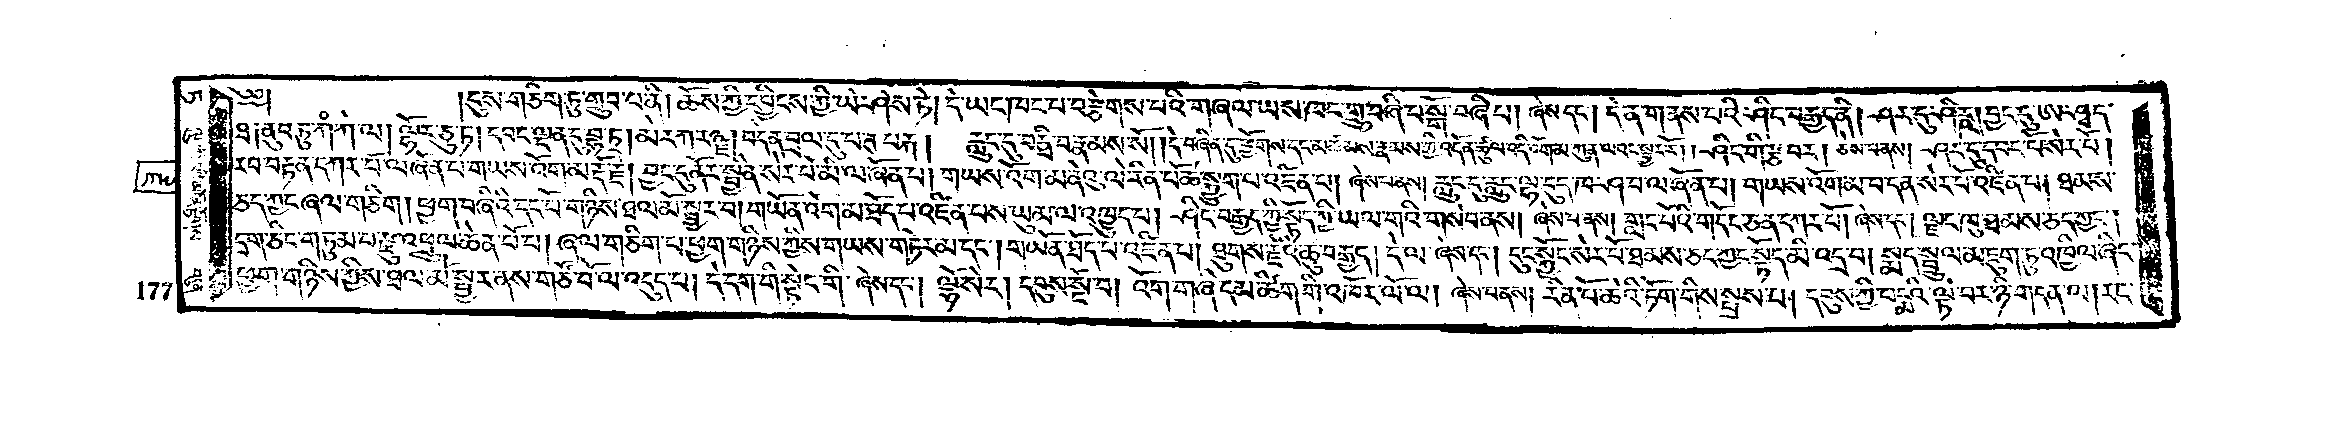༄༅། །དུས་གཅིག་ཏུ་གྲུབ་པ་ནི། ཆོས་ཀྱི་དབྱིངས་ཀྱི་ཡེ་ཤེས་ཏེ། དེ་ཡང་ཁང་པ་བརྩེགས་པའི་གཞལ་ཡས་ཁང་གྲུ་བཞི་པ་སྒོ་བཞི་པ། ཞེས་དང་།  དེ་ན་གནས་པའི་ཤིང་བརྒྱད་ནི། ཤར་དུ་ཤིརྵ། བྱང་དུ་ཨ་ཤྭད་
ཐ། ནུབ་ཏུ་ཀཾ་ཀེ་ལ། ལྷོར་ཅུ་ཏ། དབང་ལྡན་དུ་བྷ་ཏྲ། མེར་ཀ་རྙྫ། བདེན་བྲལ་དུ་པ་ཊ་པརྐ། རླུང་དུ་བྲྠི་བ་རྣམས་སོ། ། དེ་བཞིན་དུ་ཕྱོགས་དང་མཚམས་རྣམས་ཀྱི་འདོན་ཚུལ་འདི་འོག་མ་ཀུན་ལའང་སྦྱར་རོ།  །ཤིང་གི་རྩ་བར། ཅེས་པ་ནས།  ཤར་དུ་དབང་པོ་སེར་པོ།
རབ་བརྟན་དཀར་པོ་ལ་ཞོན་པ་གཡས་འོག་མ་རྡོ་རྗེ། བྱང་དུ་ནོར་སྦྱིན་སེར་པོ་མི་ལ་ཞོན་པ། གཡས་འོག་མ་ནེའུ་ལེ་རིན་པོ་ཆེ་སྐྱུག་པ་འཛིན་པ། ཞེས་པ་ནས།  རླུང་དུ་རླུང་ལྷ་དུད་ཁ་ཤ་བ་ལ་ཞོན་པ། གཡས་འོག་མ་བ་དན་སེར་པོ་འཛིན་པ། ཐམས་
ཅད་ཀྱང་ཞལ་གཅིག །ཕྱག་བཞིའི་དང་པོ་གཉིས་ཐལ་མོ་སྦྱར་བ། གཡོན་འོག་མ་ཐོད་པ་འཛིན་པས་ཡུམ་ལ་འཁྱུད་པ། ཤིང་བརྒྱད་ཀྱི་སྟོད་ཀྱི་ཡལ་གའི་གསེབ་ནས། ཞེས་པ་ནས།  གླང་པོའི་གདོང་ཅན་དཀར་པོ། ཞེས་དང་།  ལྗང་ཁུ་ཐམས་ཅད་ཀྱང་།
དྲག་ཅིང་གཏུམ་པ་རྫུ་འཕྲུལ་ཆེན་པོ་པ། ཞལ་གཅིག་པ་ཕྱག་གཉིས་ཀྱིས་གཡས་གཏོར་མ་དང་། གཡོན་ཐོད་པ་འཛིན་པ། ཐུགས་རྗེའི་ཆུ་བརྒྱད། དེ་ལ་ཞེས་དང་།  དུང་སྐྱོང་སེར་པོ་ཐམས་ཅད་ཀྱང་སྟོད་མི་འདྲ་བ། སྨད་སྦྲུལ་མཇུག་ཏུ་འཁྱིལ་ཞིང་
ཕྱག་གཉིས་ཀྱིས་ཐལ་མོ་སྦྱར་ནས་གཙོ་བོ་ལ་འདུད་པ། དེ་དག་གི་སྟོང་གི་ཞེས་དང་།  ལྷོ་སེར། དབུས་སྔོ་བ། འོག་གཞི་དམ་ཚིག་གི་འཁོར་ལོ་ལ། ཞེས་པ་ནས།  རིན་པོ་ཆེའི་ཏོག་གིས་སྤྲས་པ། དབུས་ཀྱི་པདམའི་ལྟེ་བར་ཉི་གདན་ལ། རང་